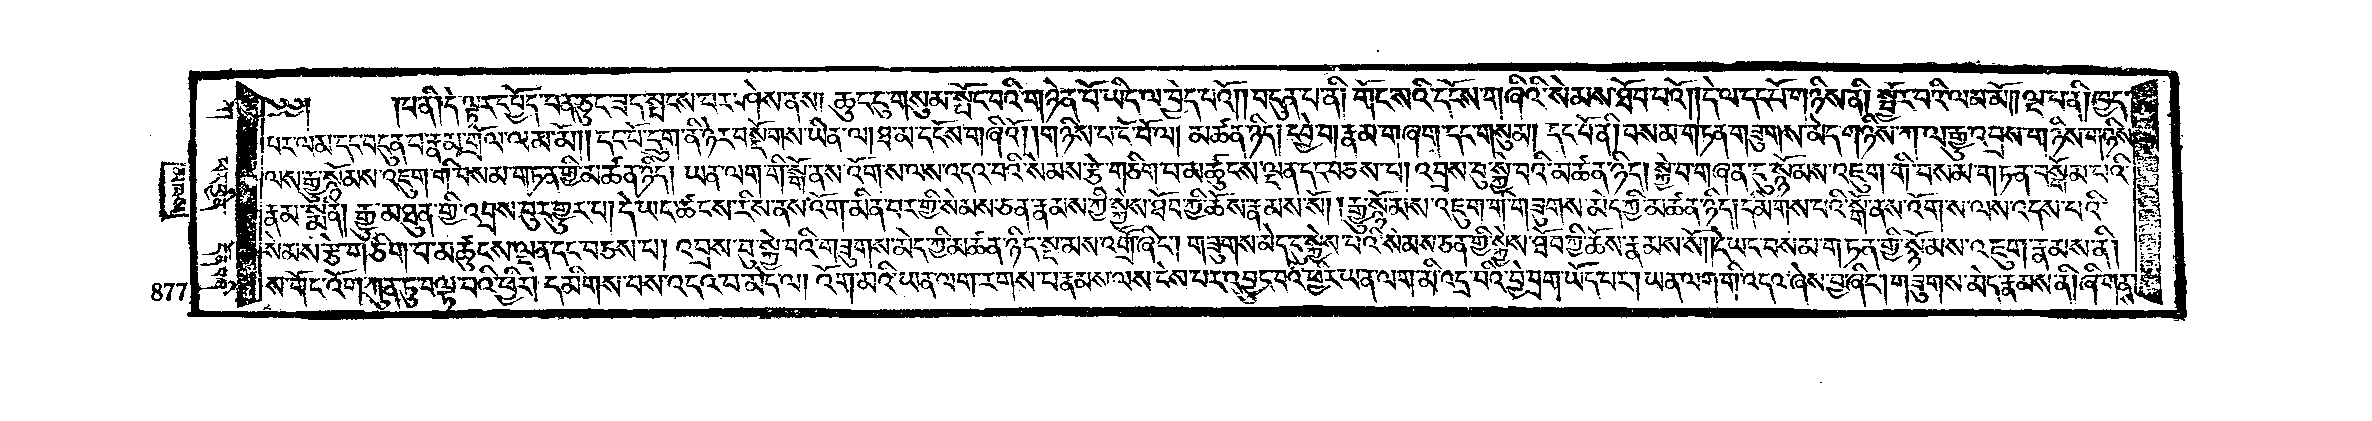༄༅། །པ་ནི། དེ་ལྟར་དཔྱོད་པན་ཅུང་ཟད་སྤངས་པར་ཤེས་ནས། ཆུང་ངུ་གསུམ་སྤོང་བའི་གཉེན་པོ་ཡིད་ལ་བྱེད་པའོ། །བདུན་པ་ནི། གོང་སའི་དངོས་གཞིའི་སེམས་ཐོབ་པའོ། །དེ་ལ་དང་པོ་གཉིས་ནི། སྦྱོར་བའི་ལམ་མོ། ལྔ་པ་ནི། ཁྱད་
པར་ལམ་དང་བདུན་པ་རྣམ་གྲོལ་ལམ་མོ། །དང་པོ་དྲུག་ནི་ཉེར་བསྡོགས་ཡིན་ལ། ཐ་མ་དངོས་གཞིའོ། །གཉིས་པ་ངོ་བོ་ལ། མཚན་ཉིད། དབྱེ་བ། རྣམ་གཞག་དང་གསུམ། དང་པོ་ནི། བསམ་གཏན་གཟུགས་མེད་གཉིས་ཀ་ལ་རྒྱུ་འབྲས་གཉིས་གཉིས་
ལས་རྒྱུ་སྙོམས་འཇུག་གི་བསམ་གཏན་གྱི་མཚན་ཉིད། ཡན་ལག་གི་སྒོ་ནས་འོག་ས་ལས་འདའ་བའི་སེམས་རྩེ་གཅིག་པ་མཚུངས་ལྡན་དང་བཅས་པ། འབྲས་བུ་སྐྱེ་བའི་མཚན་ཉིད། སྐྱེ་བ་གཞན་དུ་སྙོམས་འཇུག་གི་བསམ་གཏན་བསྒོམ་པའི་
རྣམ་སྨྱིན། རྒྱུ་མཐུན་གྱི་འབྲས་བུར་གྱུར་པ། དེ་ཡང་ཚངས་རིས་ནས་འོག་མིན་པར་གྱི་སེམས་ཅན་རྣམས་ཀྱི་སྐྱེས་ཐོབ་ཀྱི་ཆོས་རྣམས་སོ། །རྒྱུ་སྙོམས་འཇུག་གི་གཟུགས་མེད་ཀྱི་མཚན་ཉིད། དམིགས་པའི་སྒོ་ནས་འོག་ས་ལས་འདས་པའི་
སེམས་རྩེ་གཅིག་པ་མཚུངས་ལྡན་དང་བཅས་པ། འབྲས་བུ་སྐྱེ་བའི་གཟུགས་མེད་ཀྱི་མཚན་ཉིད་སྔ་མས་འགྲོ་ཞིང་། གཟུགས་མེད་དུ་སྐྱེས་པའི་སེམས་ཅན་གྱི་སྐྱེས་ཐོབ་ཀྱི་ཆོས་རྣམས་སོ། །དེ་ཡང་བསམ་གཏན་གྱི་སྙོམས་འཇུག་རྣམས་ནི།
ས་གོང་འོག་ཀུན་ཏུ་བལྟ་བའི་ཕྱིར། དམིགས་པས་འདའ་བ་མེད་ལ། འོག་མའི་ཡན་ལག་རགས་པ་རྣམས་ལས་ངེས་པར་འབྱུང་བའི་ཕྱིར་ཡན་ལག་མི་འདྲ་བའི་བྱེ་བྲག་ཡོད་པར། ཡན་ལག་གི་འདའ་ཞེས་བྱ་ཞིང་། གཟུགས་མེད་རྣམས་ནི། ཞི་གནས་